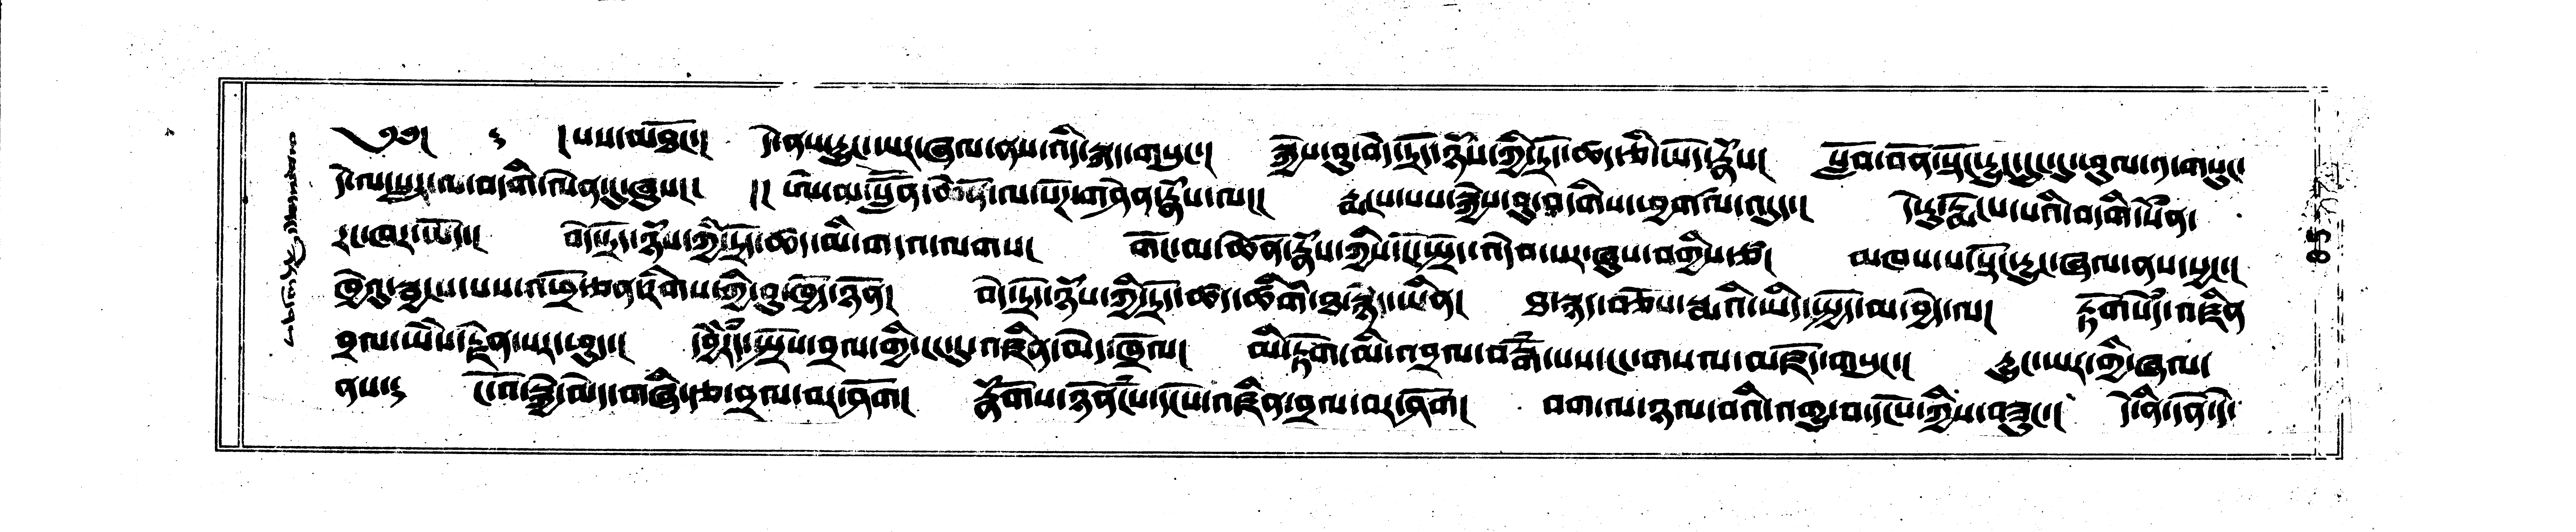པས་མཐོང་། དེ་ནས་རྒྱུང་ཡར་ཞལ་ནས་འདི་སྐད་གསུང་། སྐྱེས་བུ་བདེ་དྲོད་ཉམས་ཀྱི་དྲོད་ཚད་ཅི་ཡོད་རྣམས། སློབ་དཔོན་སྟོང་རྒྱུང་དྲུང་དུ་ཕུལ་གཅིག་གསུངས། 
དེ་ལ་སླར་ལ་བདག་གི་ལན་དུ་ཞུས། ཨེ་མ་སློབ་དཔོན་ཆེན་པོ་ལ་སོགས་གཤེན་རྣམས་ལ། རྨོངས་པས་སྐྱེས་བུ་བདག་གིས་ཕྱག་འཚལ་འདུད། དེ་རུ་རྨོངས་པའི་བདག་གི་སེམས་ཅན་
རང་ཁར་ཡོད། བདེ་དྲོད་ཉམས་ཀྱི་དྲོད་ཚད་མི་གདའ་ལགས། གོང་མ་ཆེན་པོ་རྣམས་ཀྱིས་ངོ་སྤྲོད་འདེབས་པར་ཞུས་བགྱིས་ཙ། མཁས་པ་སྟོང་རྒྱུང་ཞལ་ནས་གསང་། 
ཁྱེའུ་སྦྱངས་པས་འཕྲོ་ཅན་རིགས་ཀྱི་བུ་ཁྱོད་ཉོན། བདེ་དྲོད་ཉམས་ཀྱི་དྲོད་ཚད་ཚིག་གི་ཐ་སྙད་ཡིན། ཐ་སྙད་བཅོས་སྨའི་ཡིད་སྤྱོད་མ་བྱེད་ལ། རྟོག་མེད་འཛིན་
བྲལ་ཡེ་ཤེས་རྗེན་པར་ཕུད། དབྱེར་མེད་སྤྲོས་བྲལ་གྱི་ངང་དུ་འཛིན་མེད་ཁྲོལ། མི་རྟོག་མི་འབྲལ་བསྒོམ་པས་ངང་གསལ་མཛོད་གསུངས། རྒྱུང་ཡར་གྱི་ཞལ་
ནས། ངོ་བོ་སྐྱེ་མེད་གཞི་རྩ་བྲལ་བར་ཤོག རྣམ་རྟོག་ཉོན་མོངས་དངོས་འཛིན་བྲལ་བར་ཤོག བག་ལ་ཉལ་བའི་འགྱུ་བ་དངོས་ཀྱིས་བཟུང་། དེ་ནི་དོན་དེ་